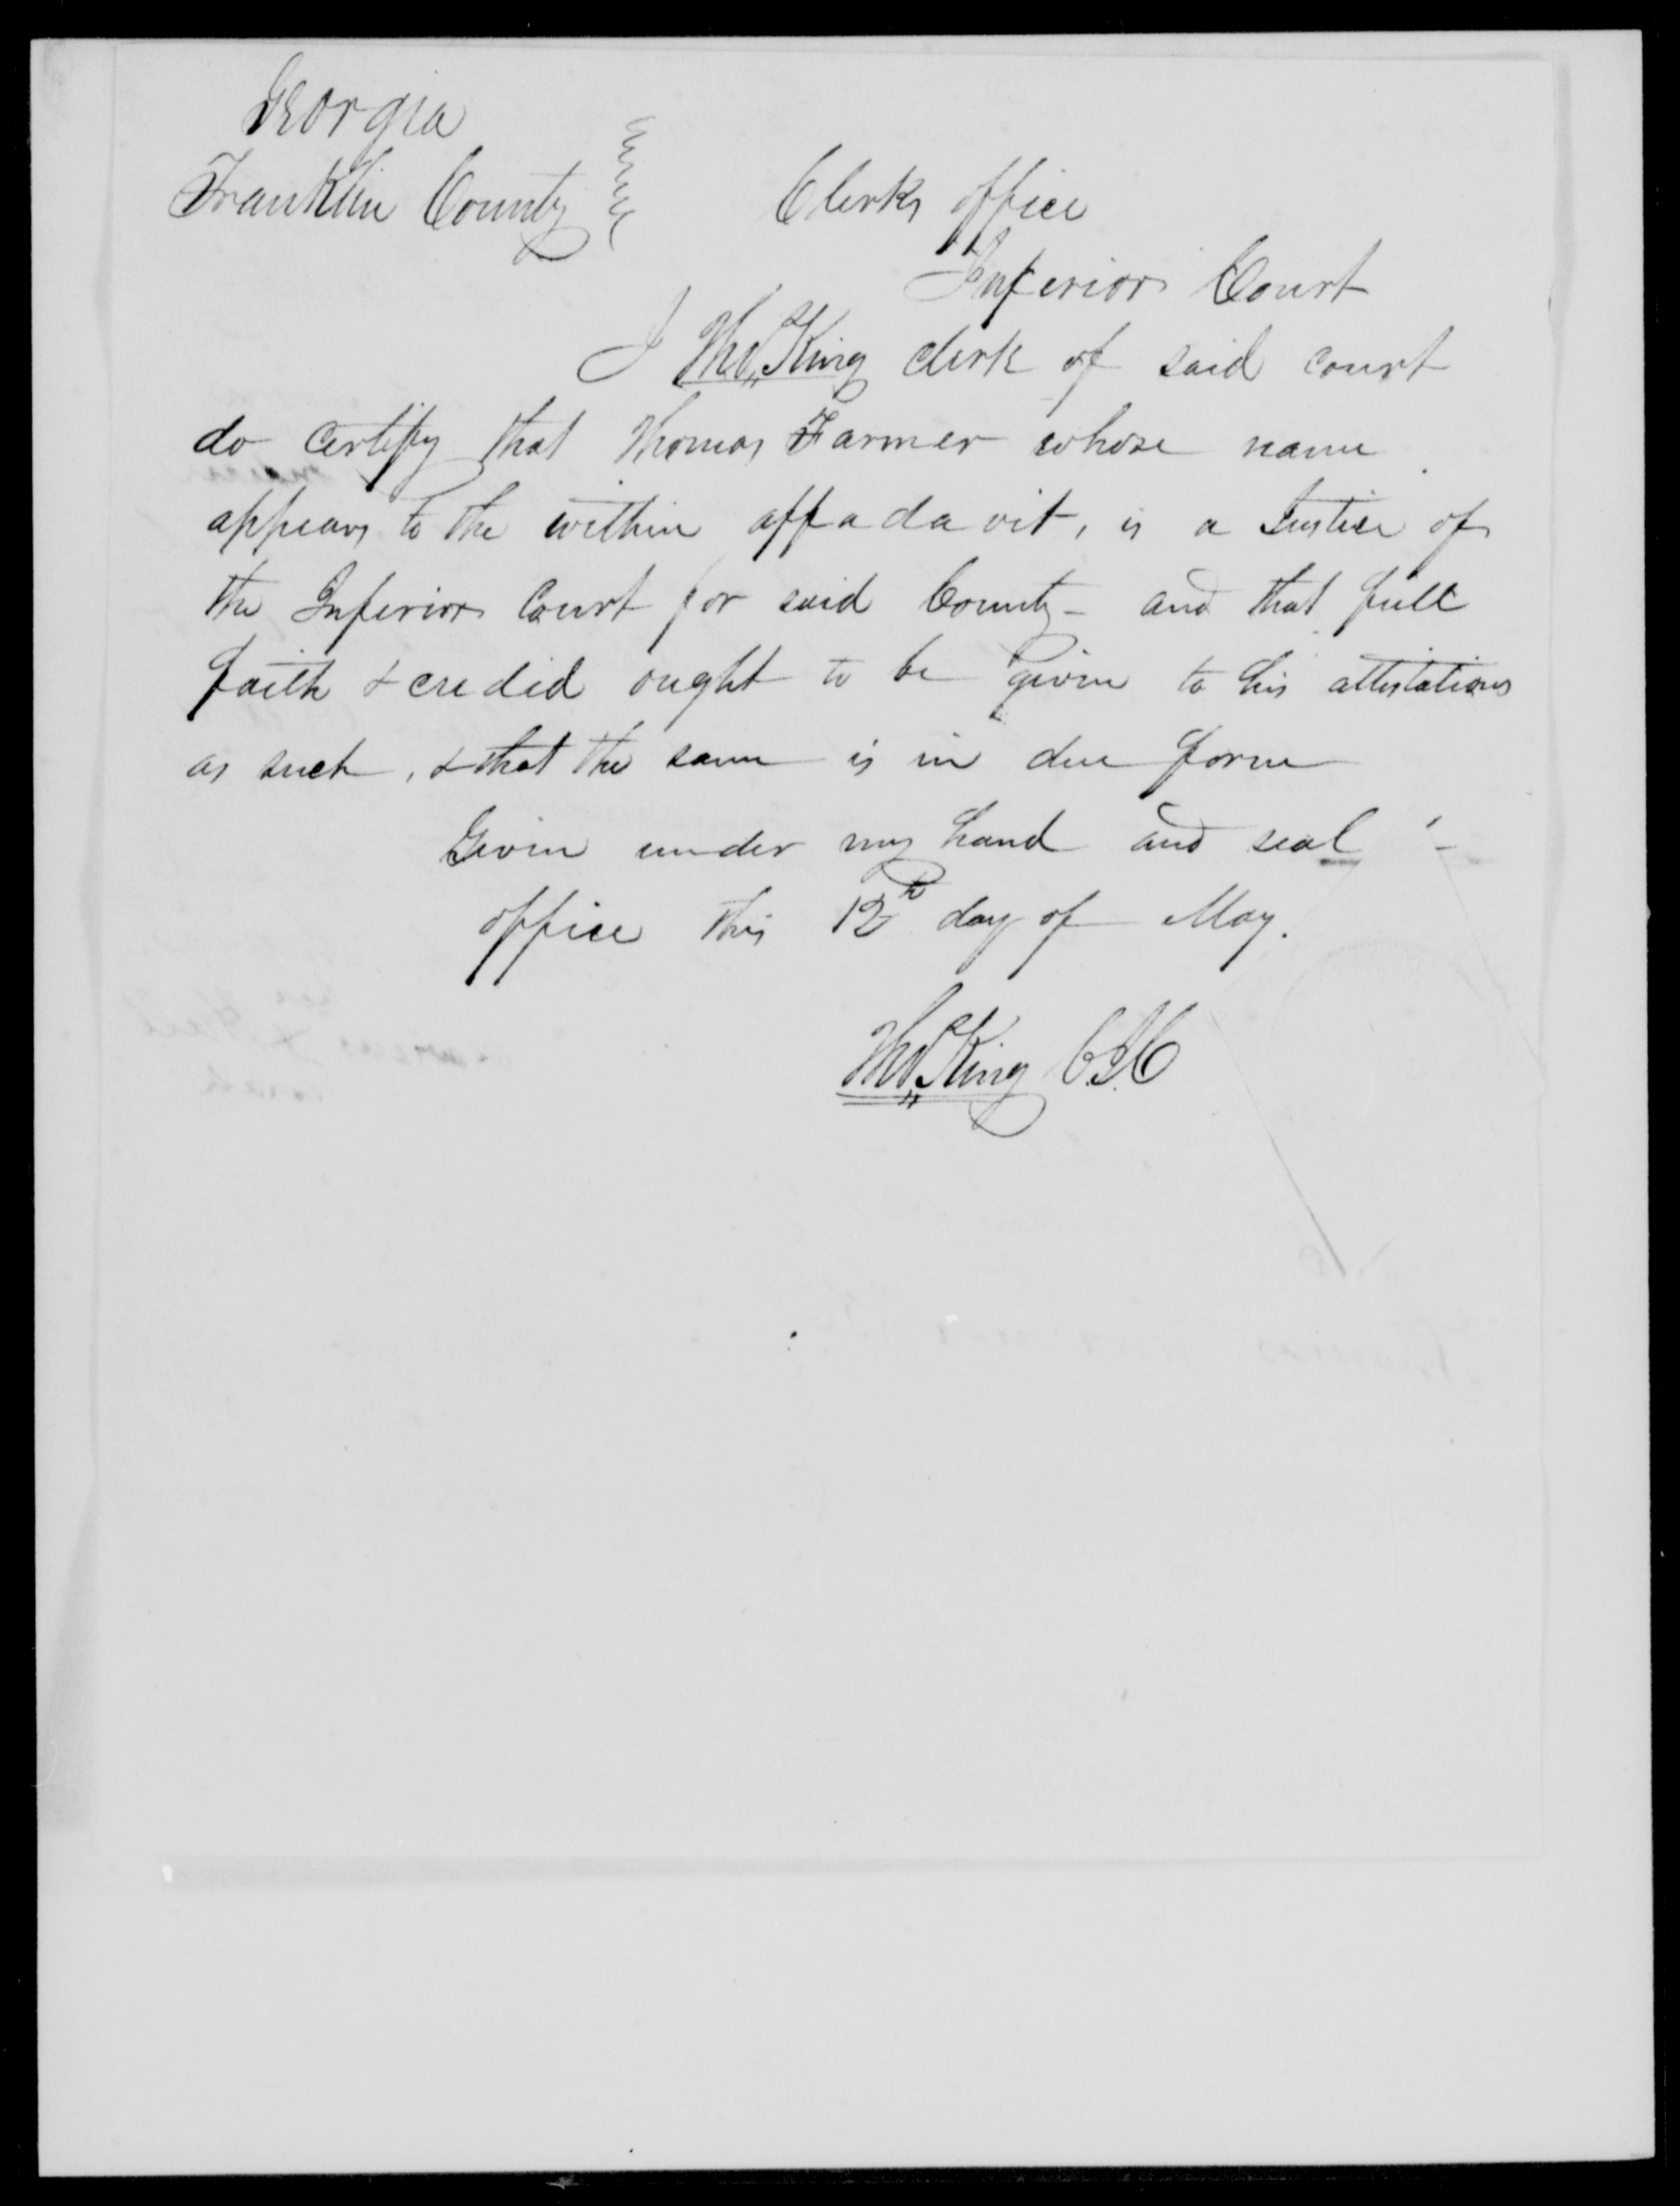Georgia             }
Franklin County }
Clerks office
Inferior Court
I Thos. King Clerk of said Court do certify that Thomas Farmer whose name appears to the within affidavit, is a Justice of the Inferior Court  for said County and that full faith & credit ought to be given to his attestations as such, & that the same is in due form
Given under my hand and seal of 
office this 12th day of May.
Thos. King C.I.C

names: Thomas Farmer, Thos King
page: 14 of 23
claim: rejected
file: R. 20,446, Benjamin Welch, Ga.